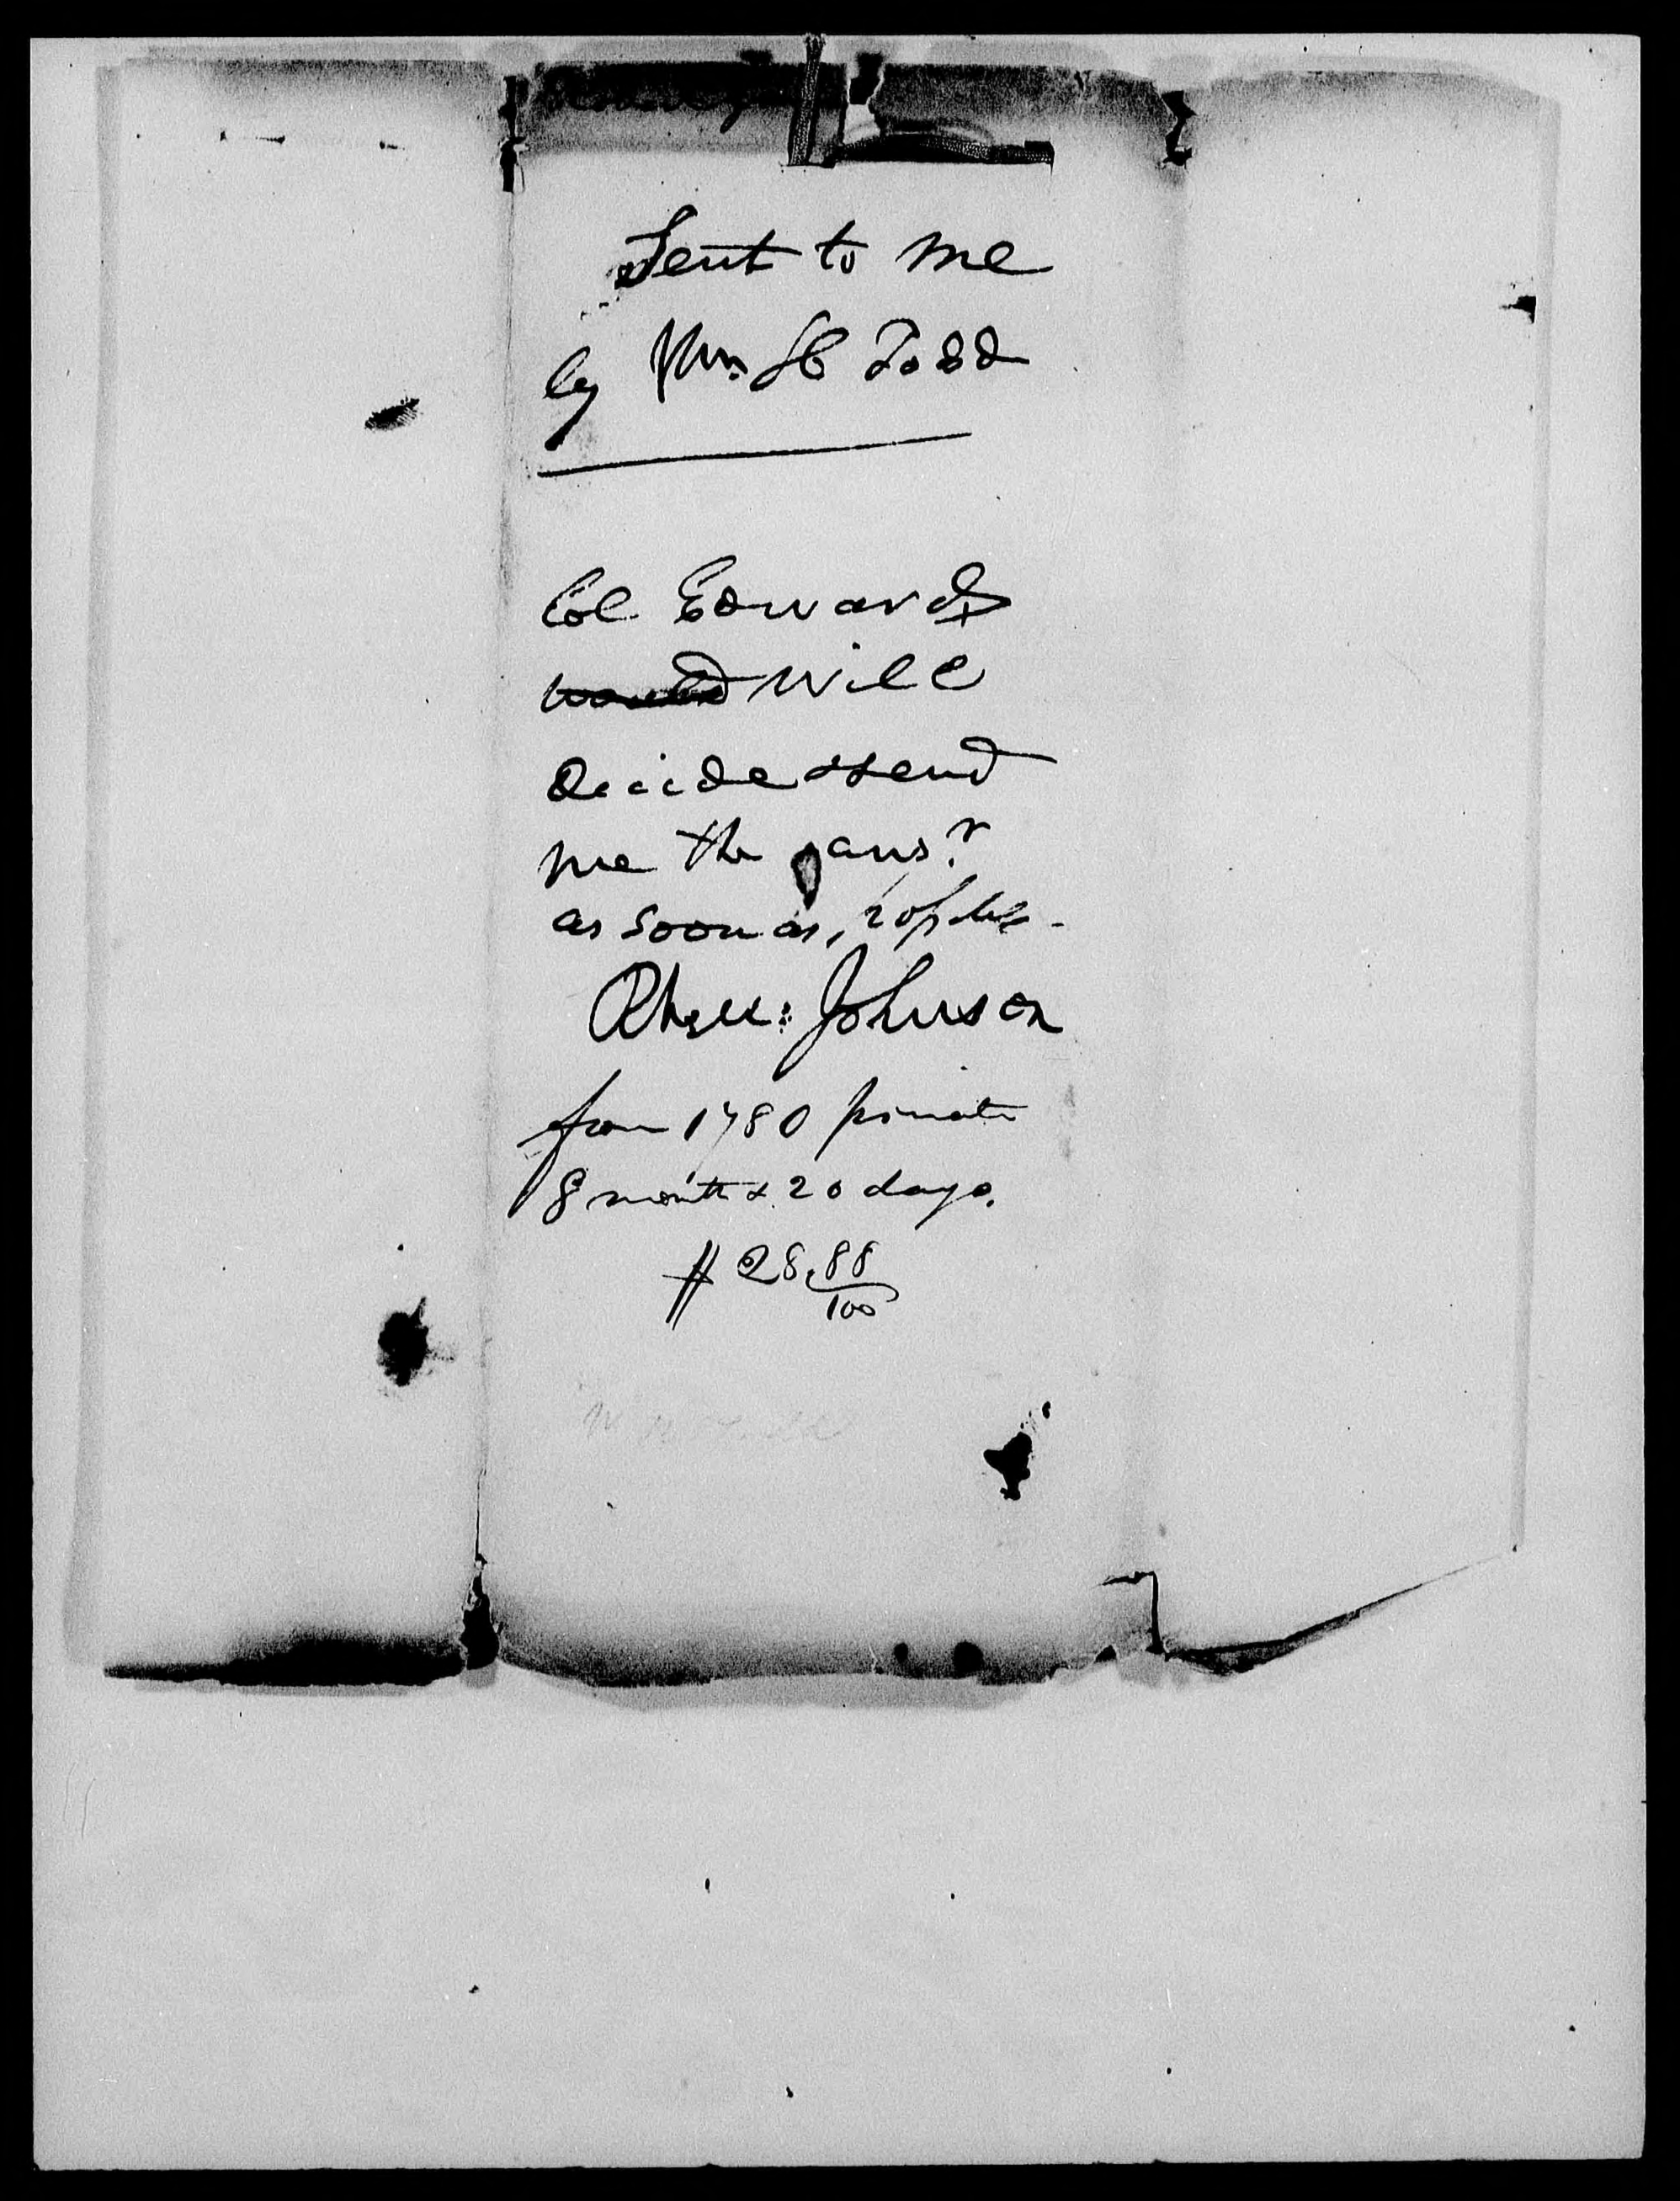sent to me
by Wm. H Todd
__________
Col Edwards
[crossed out] would [/crossed out] will
decide & send
me the ans'r
as soon as possible
Rhell Johnson
for 1780 private
8 month & 20 days.
$28.88
_____
100

W. H.[?] Todd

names: Edwards, Rhell Johnson, Wm H Todd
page: 55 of 79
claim: rejected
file: R. 3863, Robert Gaines, Va.